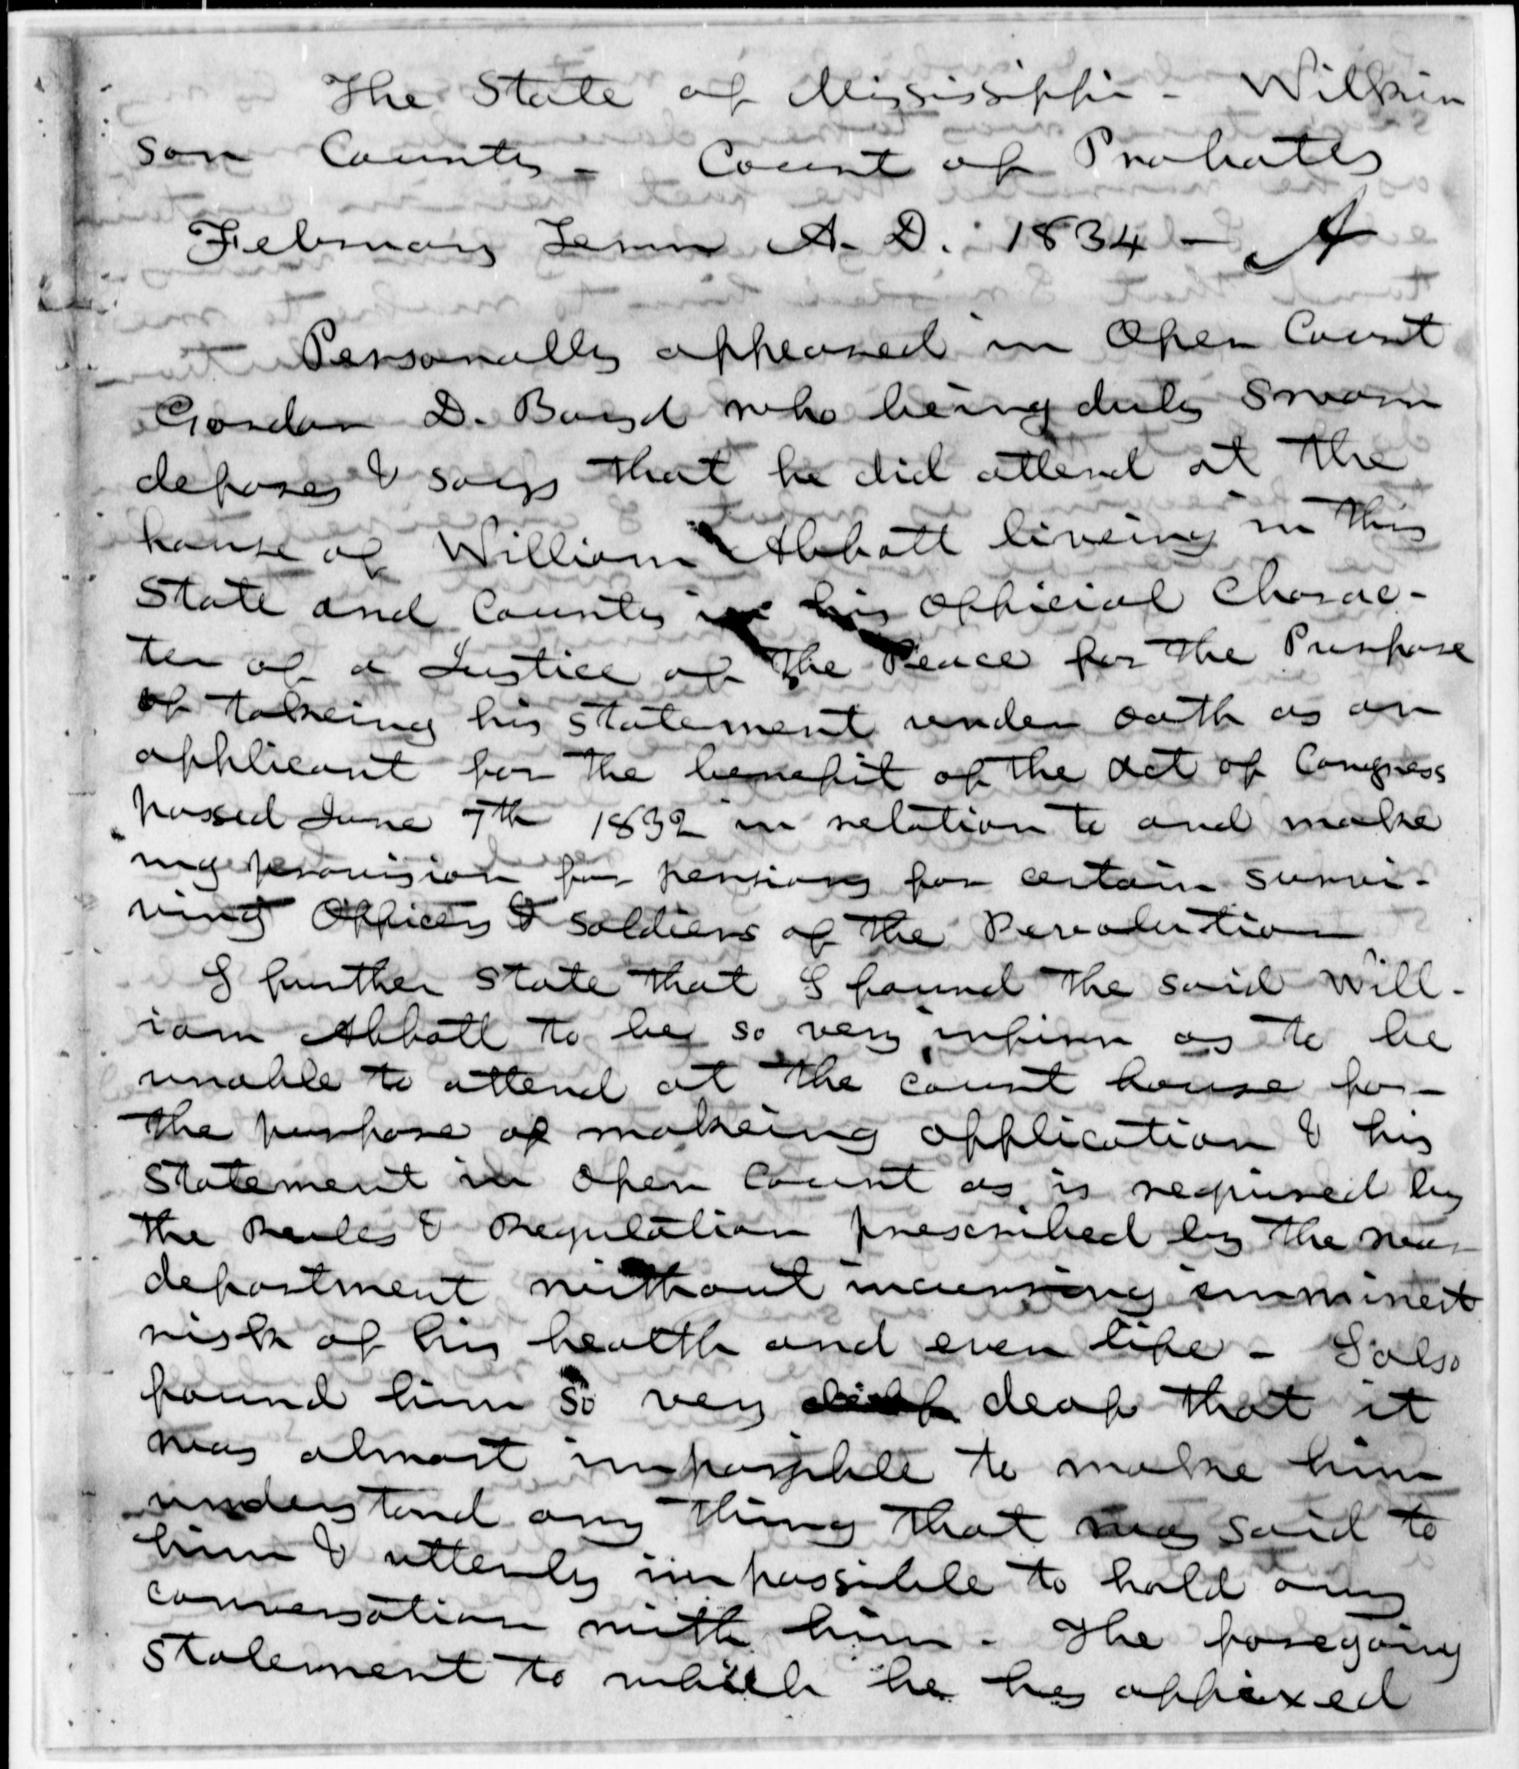The State of Mississippi - Wilkinson County - Court of Probates
February Term A.D. 1834 - A
Personally appeared in open court Gordan D. Boyd who being duly sworn deposes & says that he did attend at the house of William Abbott liveing in this State and County in his official character of a Justice of the Peace for the purpose of takeing his statement under oath as an applicant for the benefit of the Act of Congress passed June 7th 1832 in relation to and make my provision for pensions for certain surviving officers & soldiers of the Revolution
I further state that I found the said William Abbott to be so very infirm as to be unable to attend at the court house for the purpose of makeing application of his statement in open court as is required by the Rules & Regulation prescribed by the war department without incurring sirnainert [significant] risk of his health and even life. I also found him so very deaf that it was almost impossilbe to make him understand any thing that was said to him & utterly impossible to hold any conversation with him. The foregoing statement to which he has affixed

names: Gordon D Boyd, William Abbott, William Abbott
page: 16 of 38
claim: survivor's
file: S. 30. 239, William Abbott, S.C.